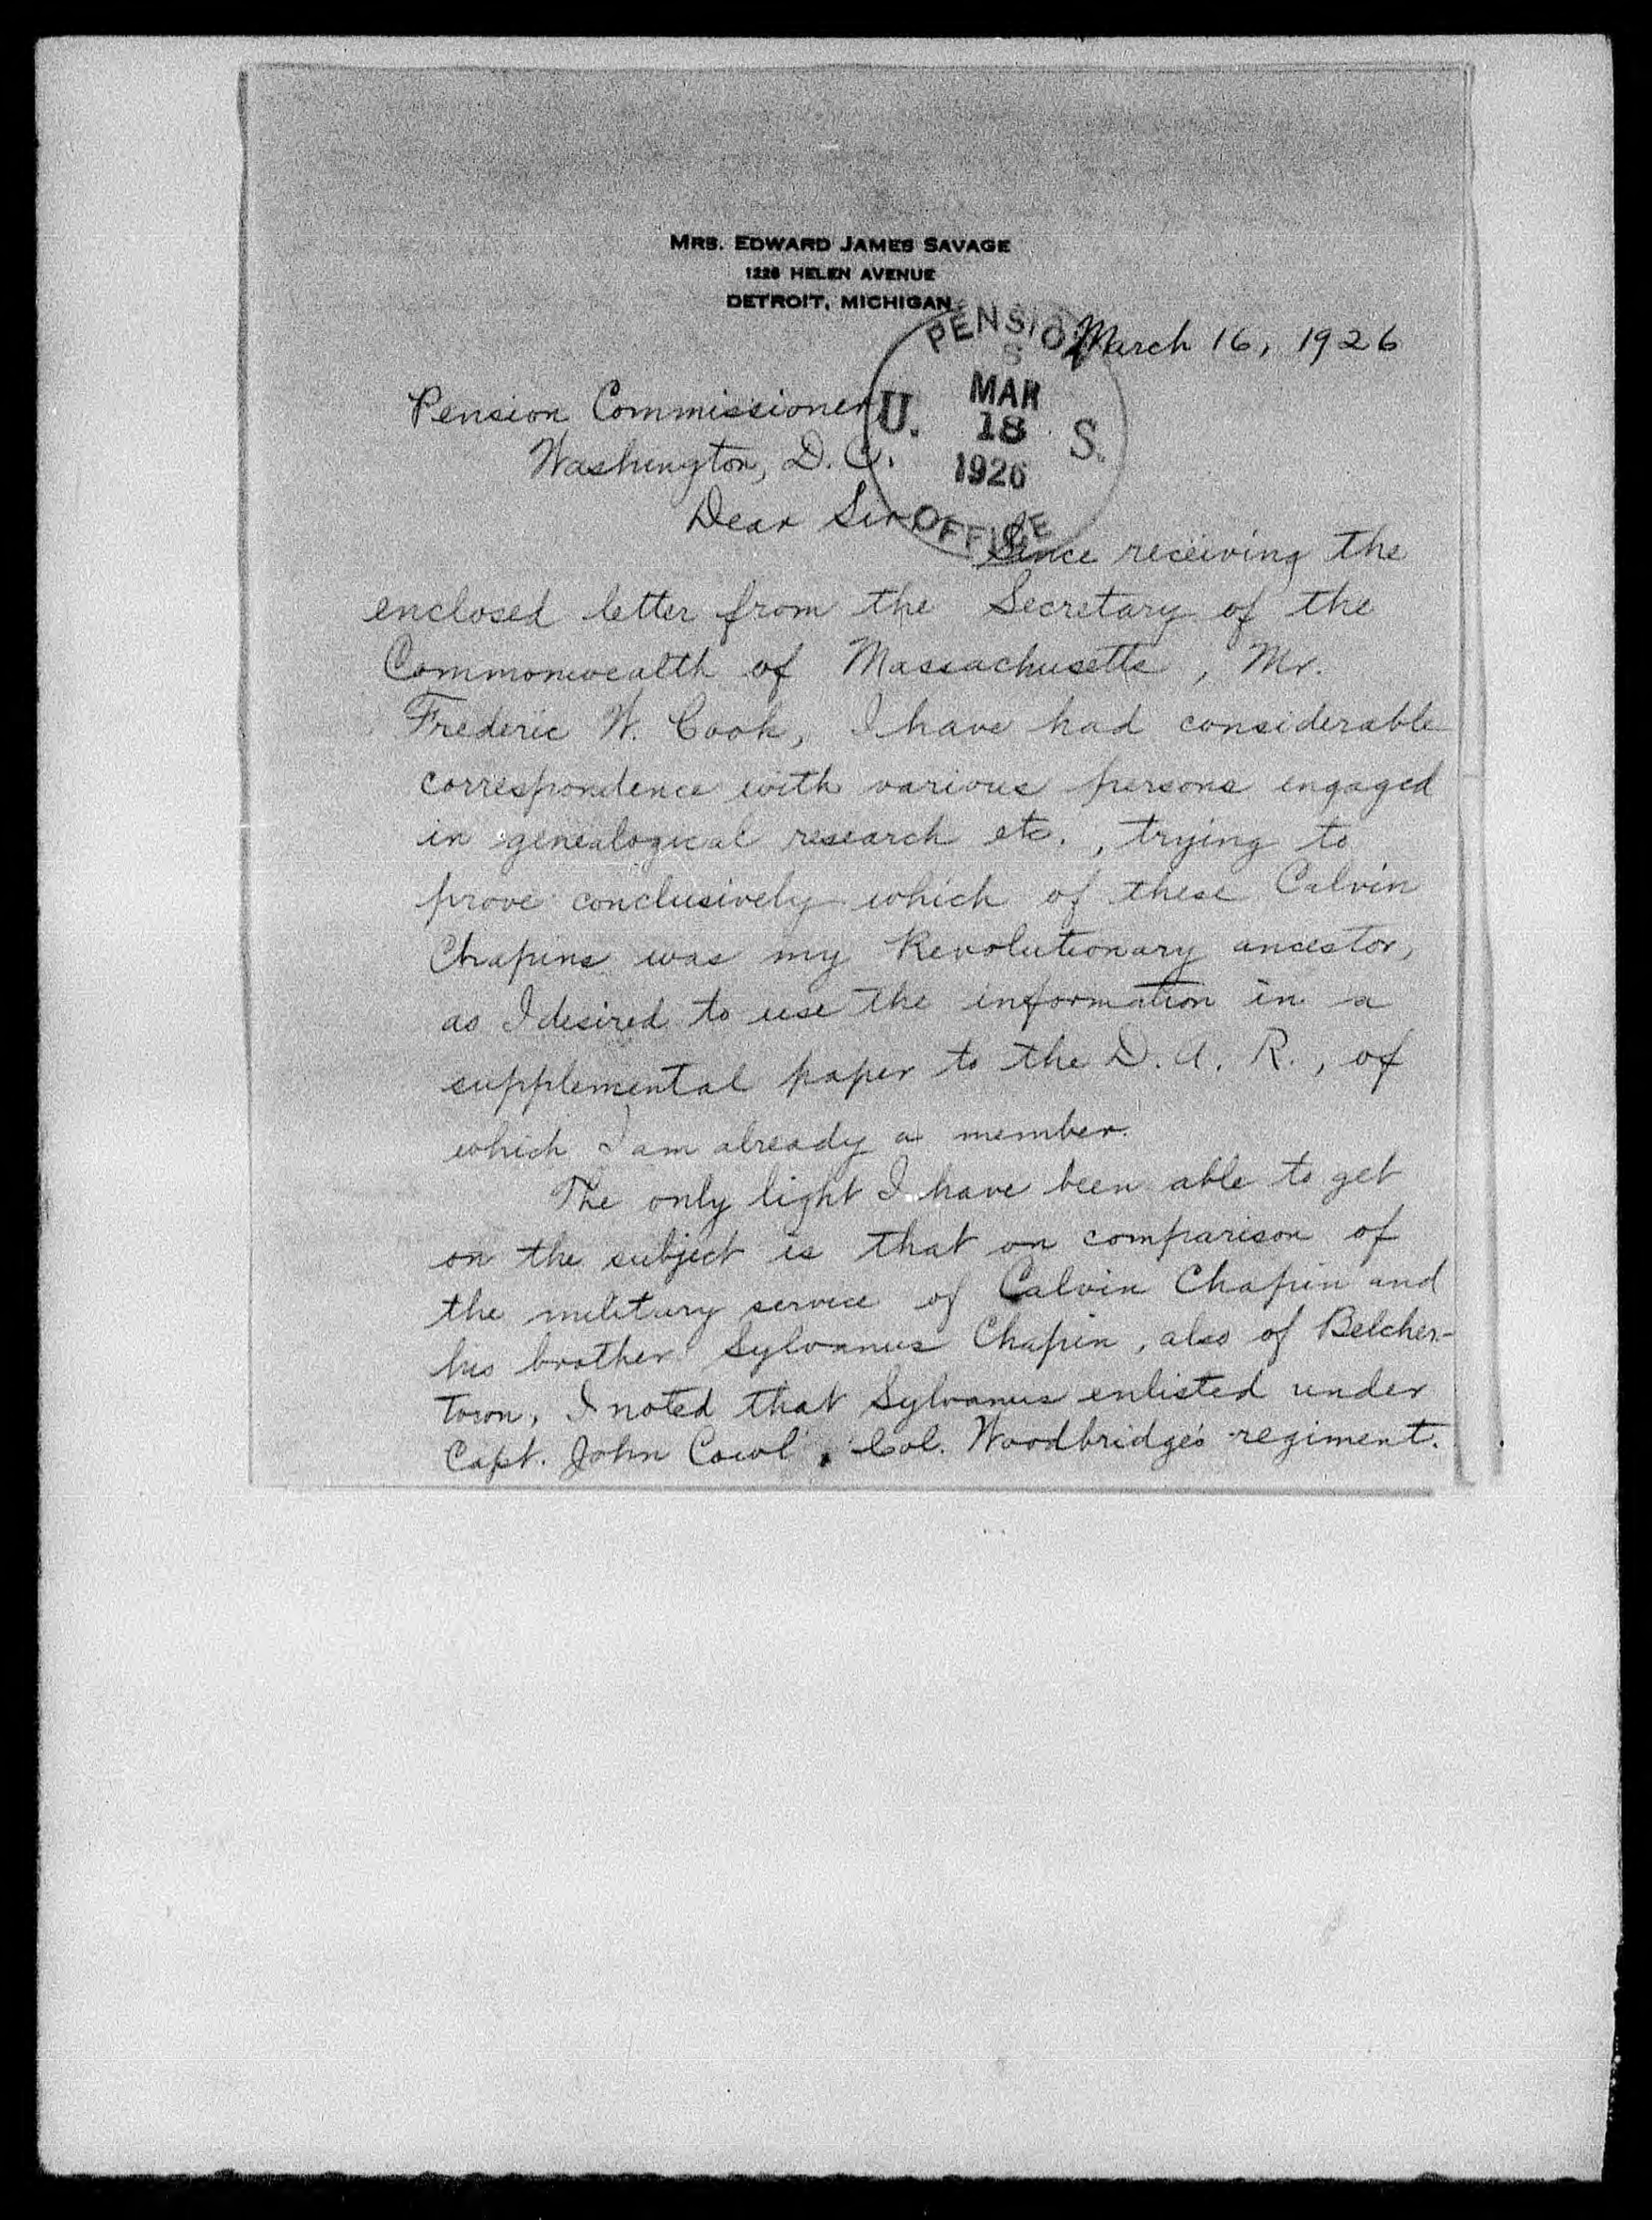MRS. EDWARD JAMES SAVAGE
1226 HELEN AVENUE
DETROIT, MICHIGAN


[stamp]
PENSION
S
MAR
U.  18  S.
1926
OFFICE
[/stamp]

March 16, 1926

Pension Commissioner
Washinton, D. C.

Since receiving the enclosed letter from the Secretary of the Commonwealth of Massachusetts, Mr. Frederic w. Cook, I have had considerable correspondence with various persons engaged in genealogical research etc., trying to prove conclusively which of these Calvin Chapin was my Revolutionary ancestor, as I desired to use the information in a supplemental paper to the D.A.R., of which I am already a member.

The only light I have been able to get on the subject is that on comparison of the military service of Calvin Chapin and his brother Sylvanus Chapin, also of Belchertown, I noted that Sylvanus enlisted under Capt. John Cowl, Col. Woodbridge's regiment.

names: Frederic W Cook, Edward James Savage, Calvin Chapin, John Cowl, Sylvanus, Calvin Chapin, Sylvanus Chapin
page: 24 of 35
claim: widow's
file: W. 20,864, Calvin Chapin, Mass. Vt.